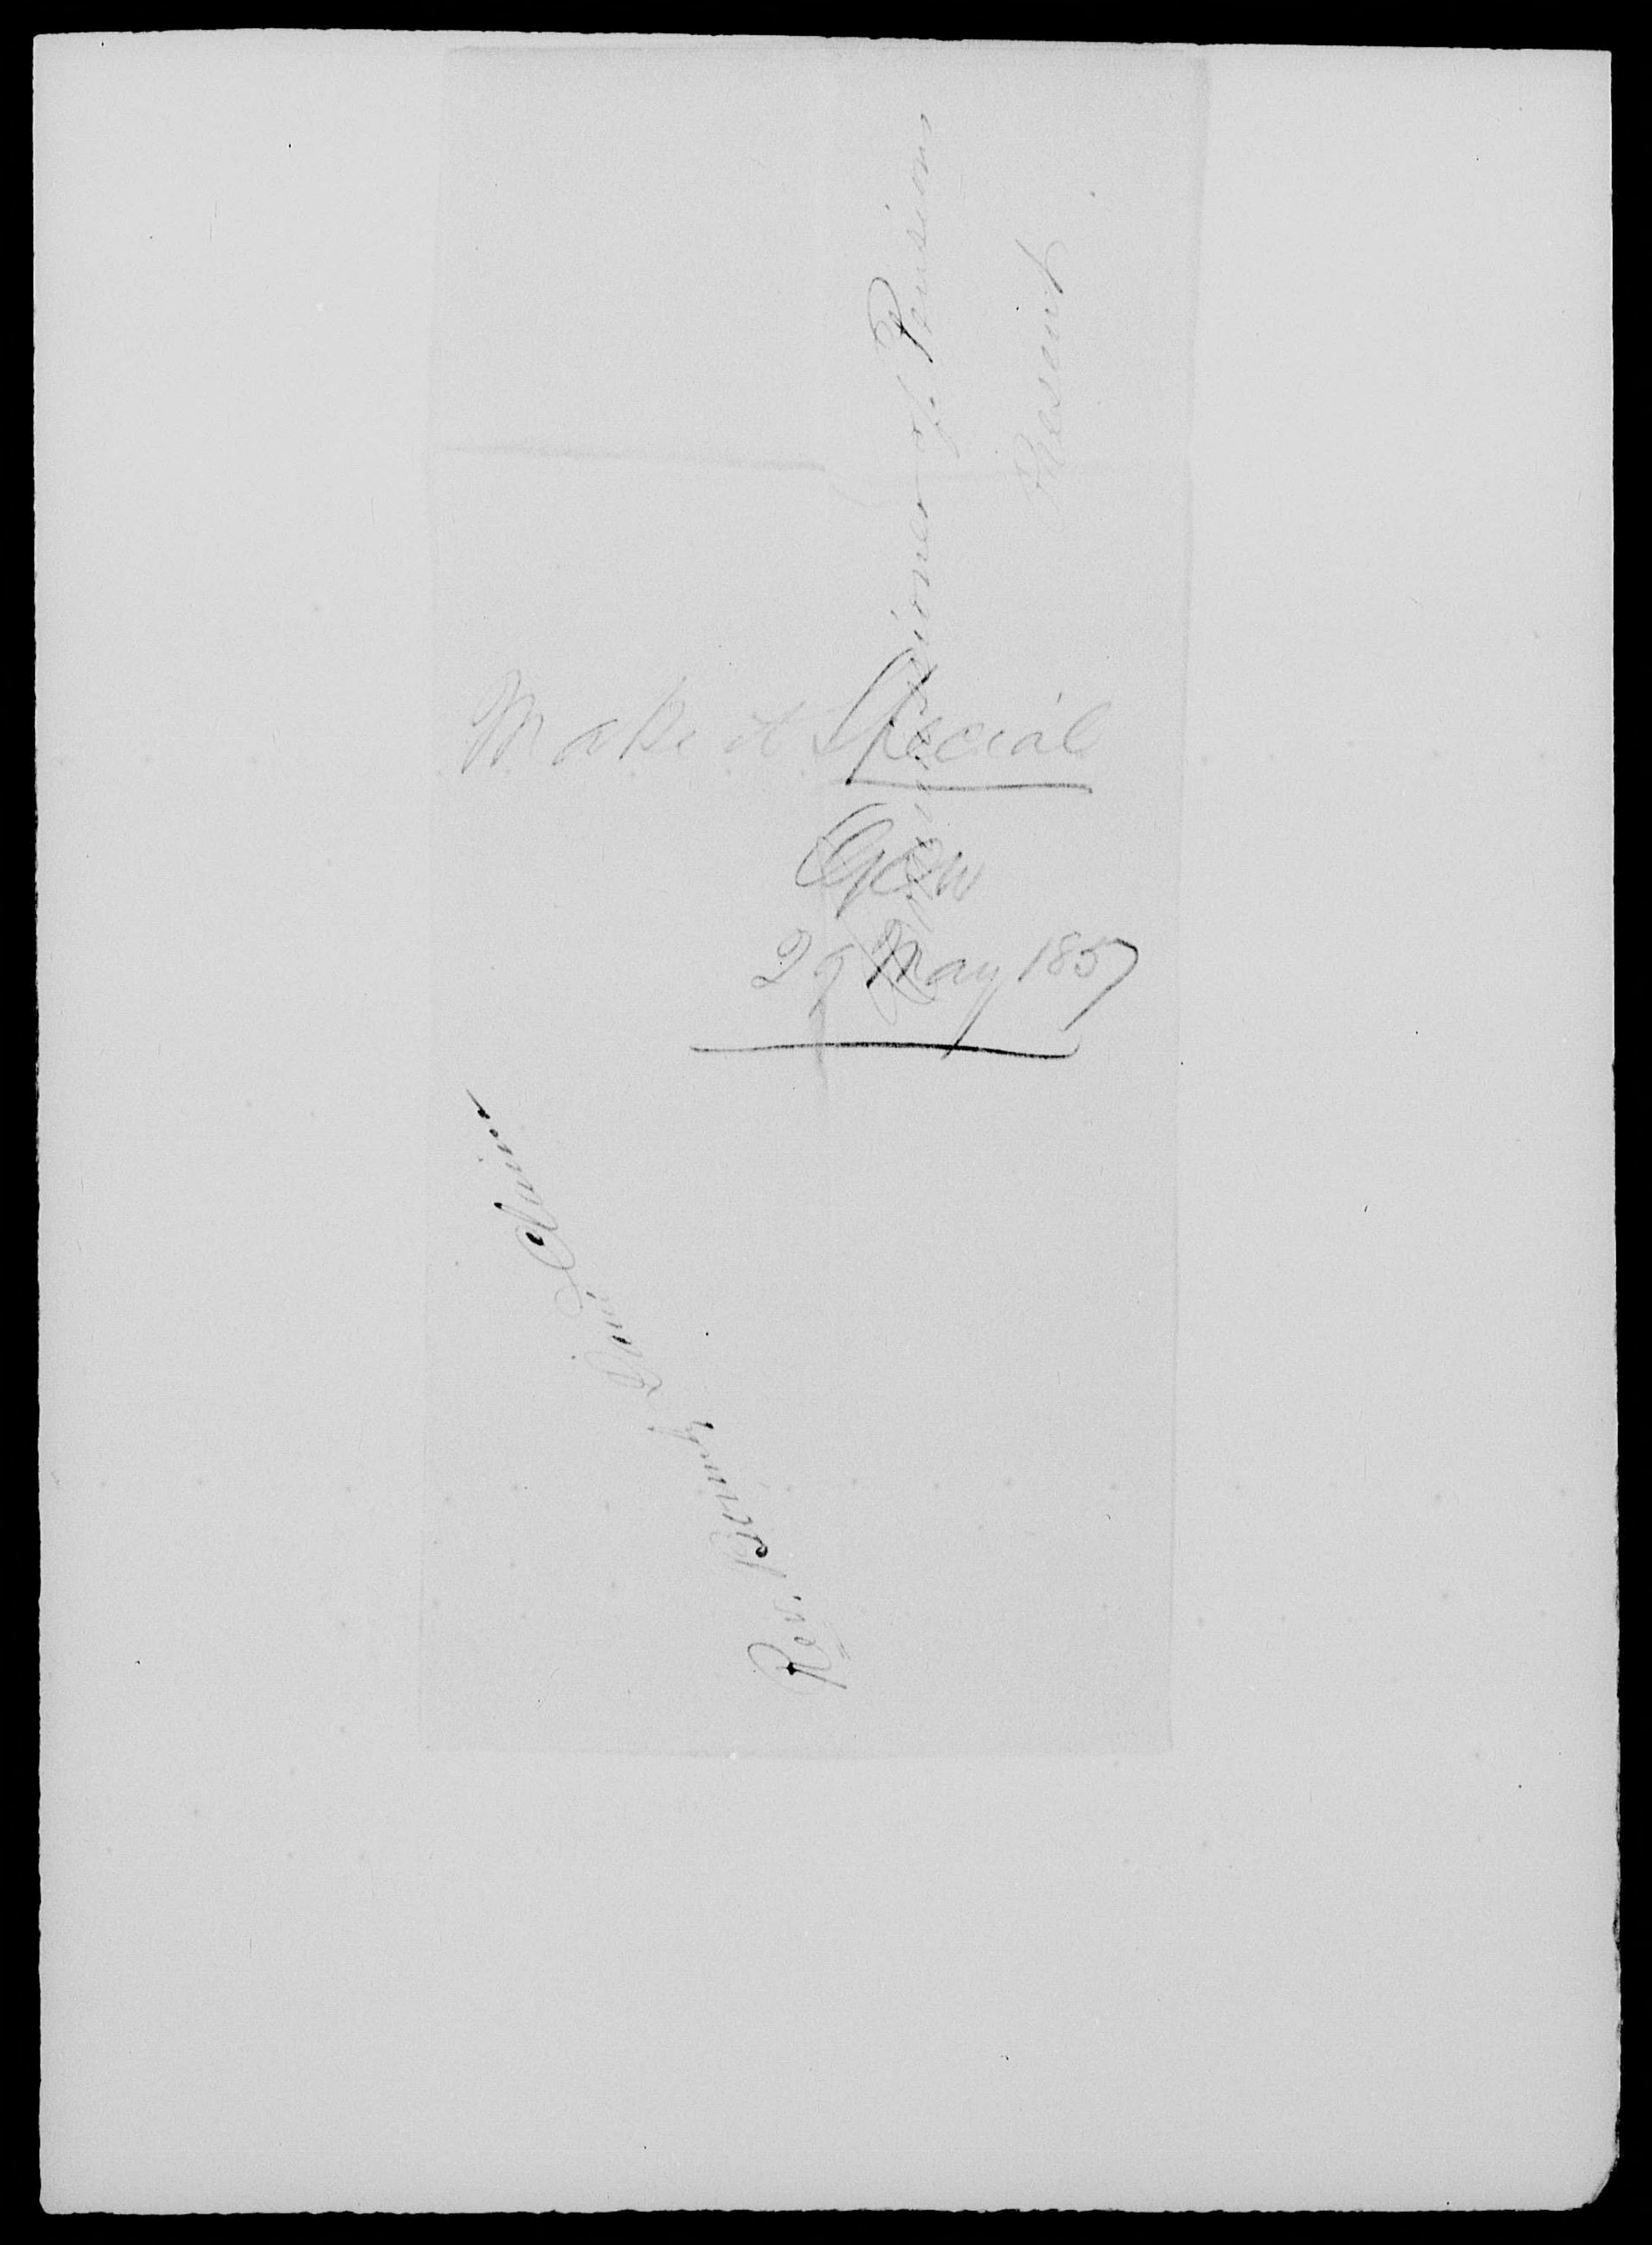[horizontal statement]

Make it Special ["Special is underlines]
         GOW
    29 May 1857


[vertical statements]

Rev. Bounty Land Claim

Commissioner of Pensions
                     Present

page: 36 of 40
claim: widow's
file: W. 5304, for Zachariah Jacobs, North Carolina